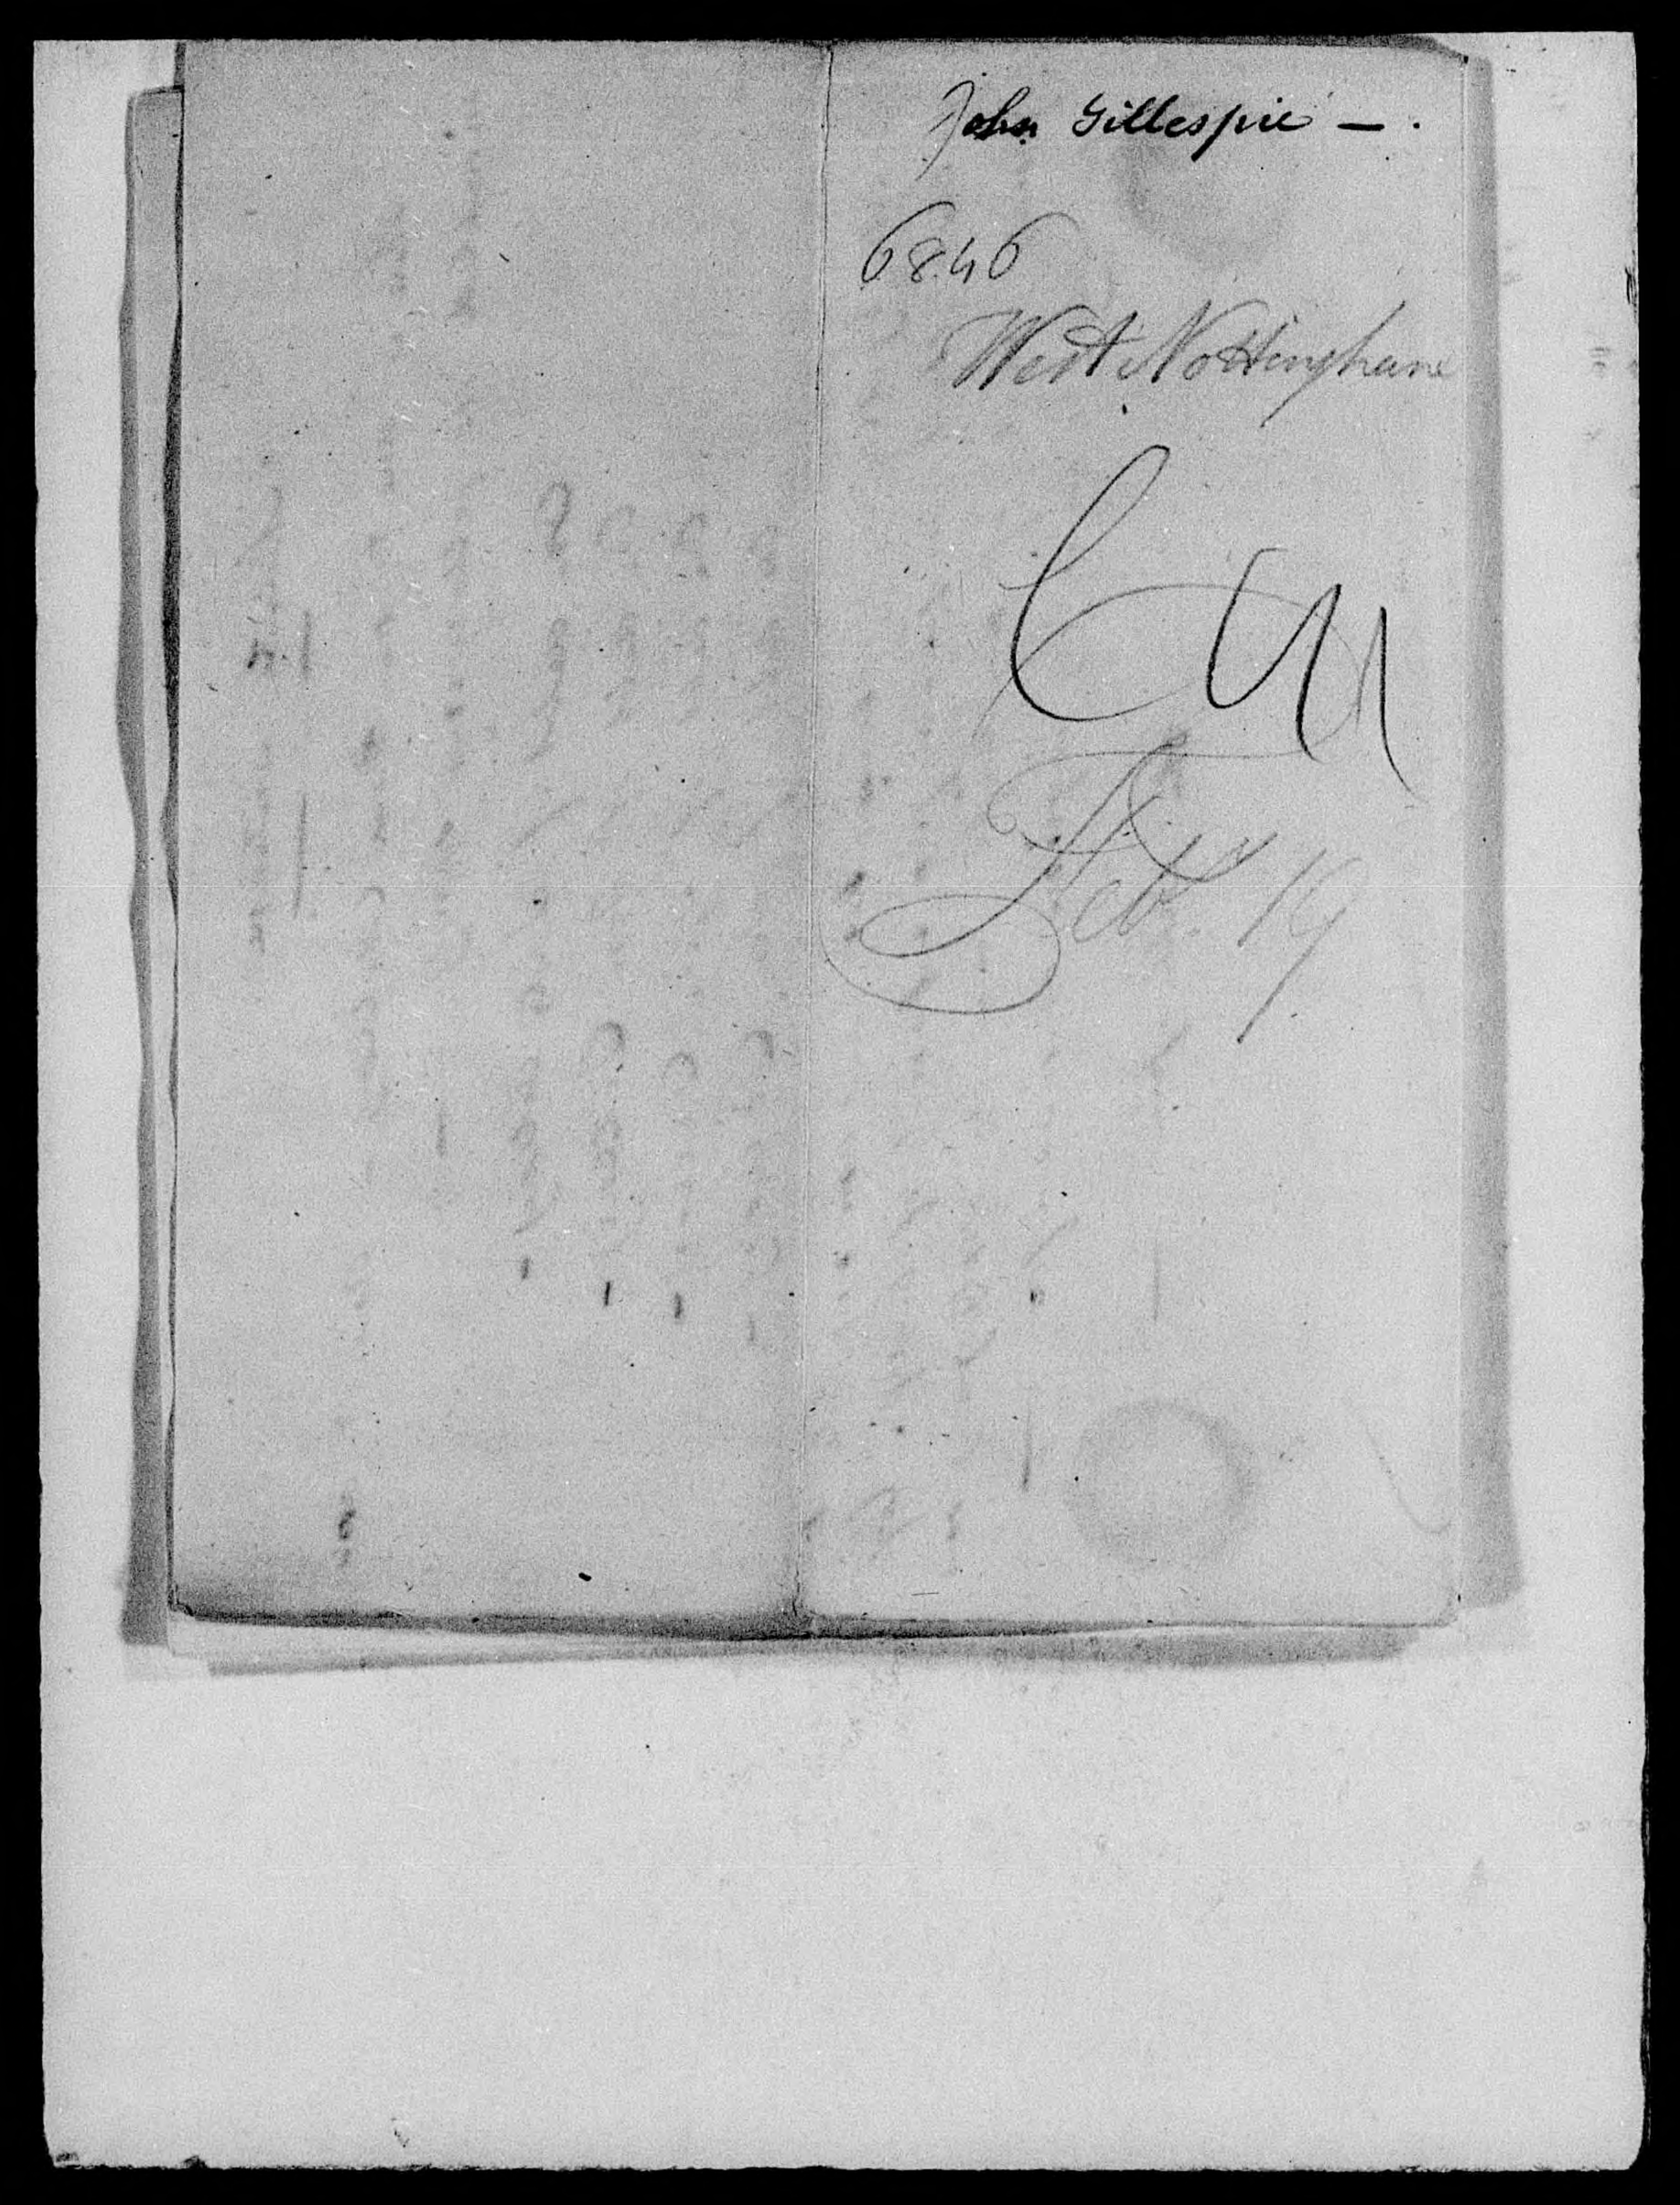John Gillespie-
68.46
West Nottingham
Feb 19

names: John Gillespie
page: 4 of 20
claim: survivor's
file: S. 41581, John Gillespie, Continental Del.